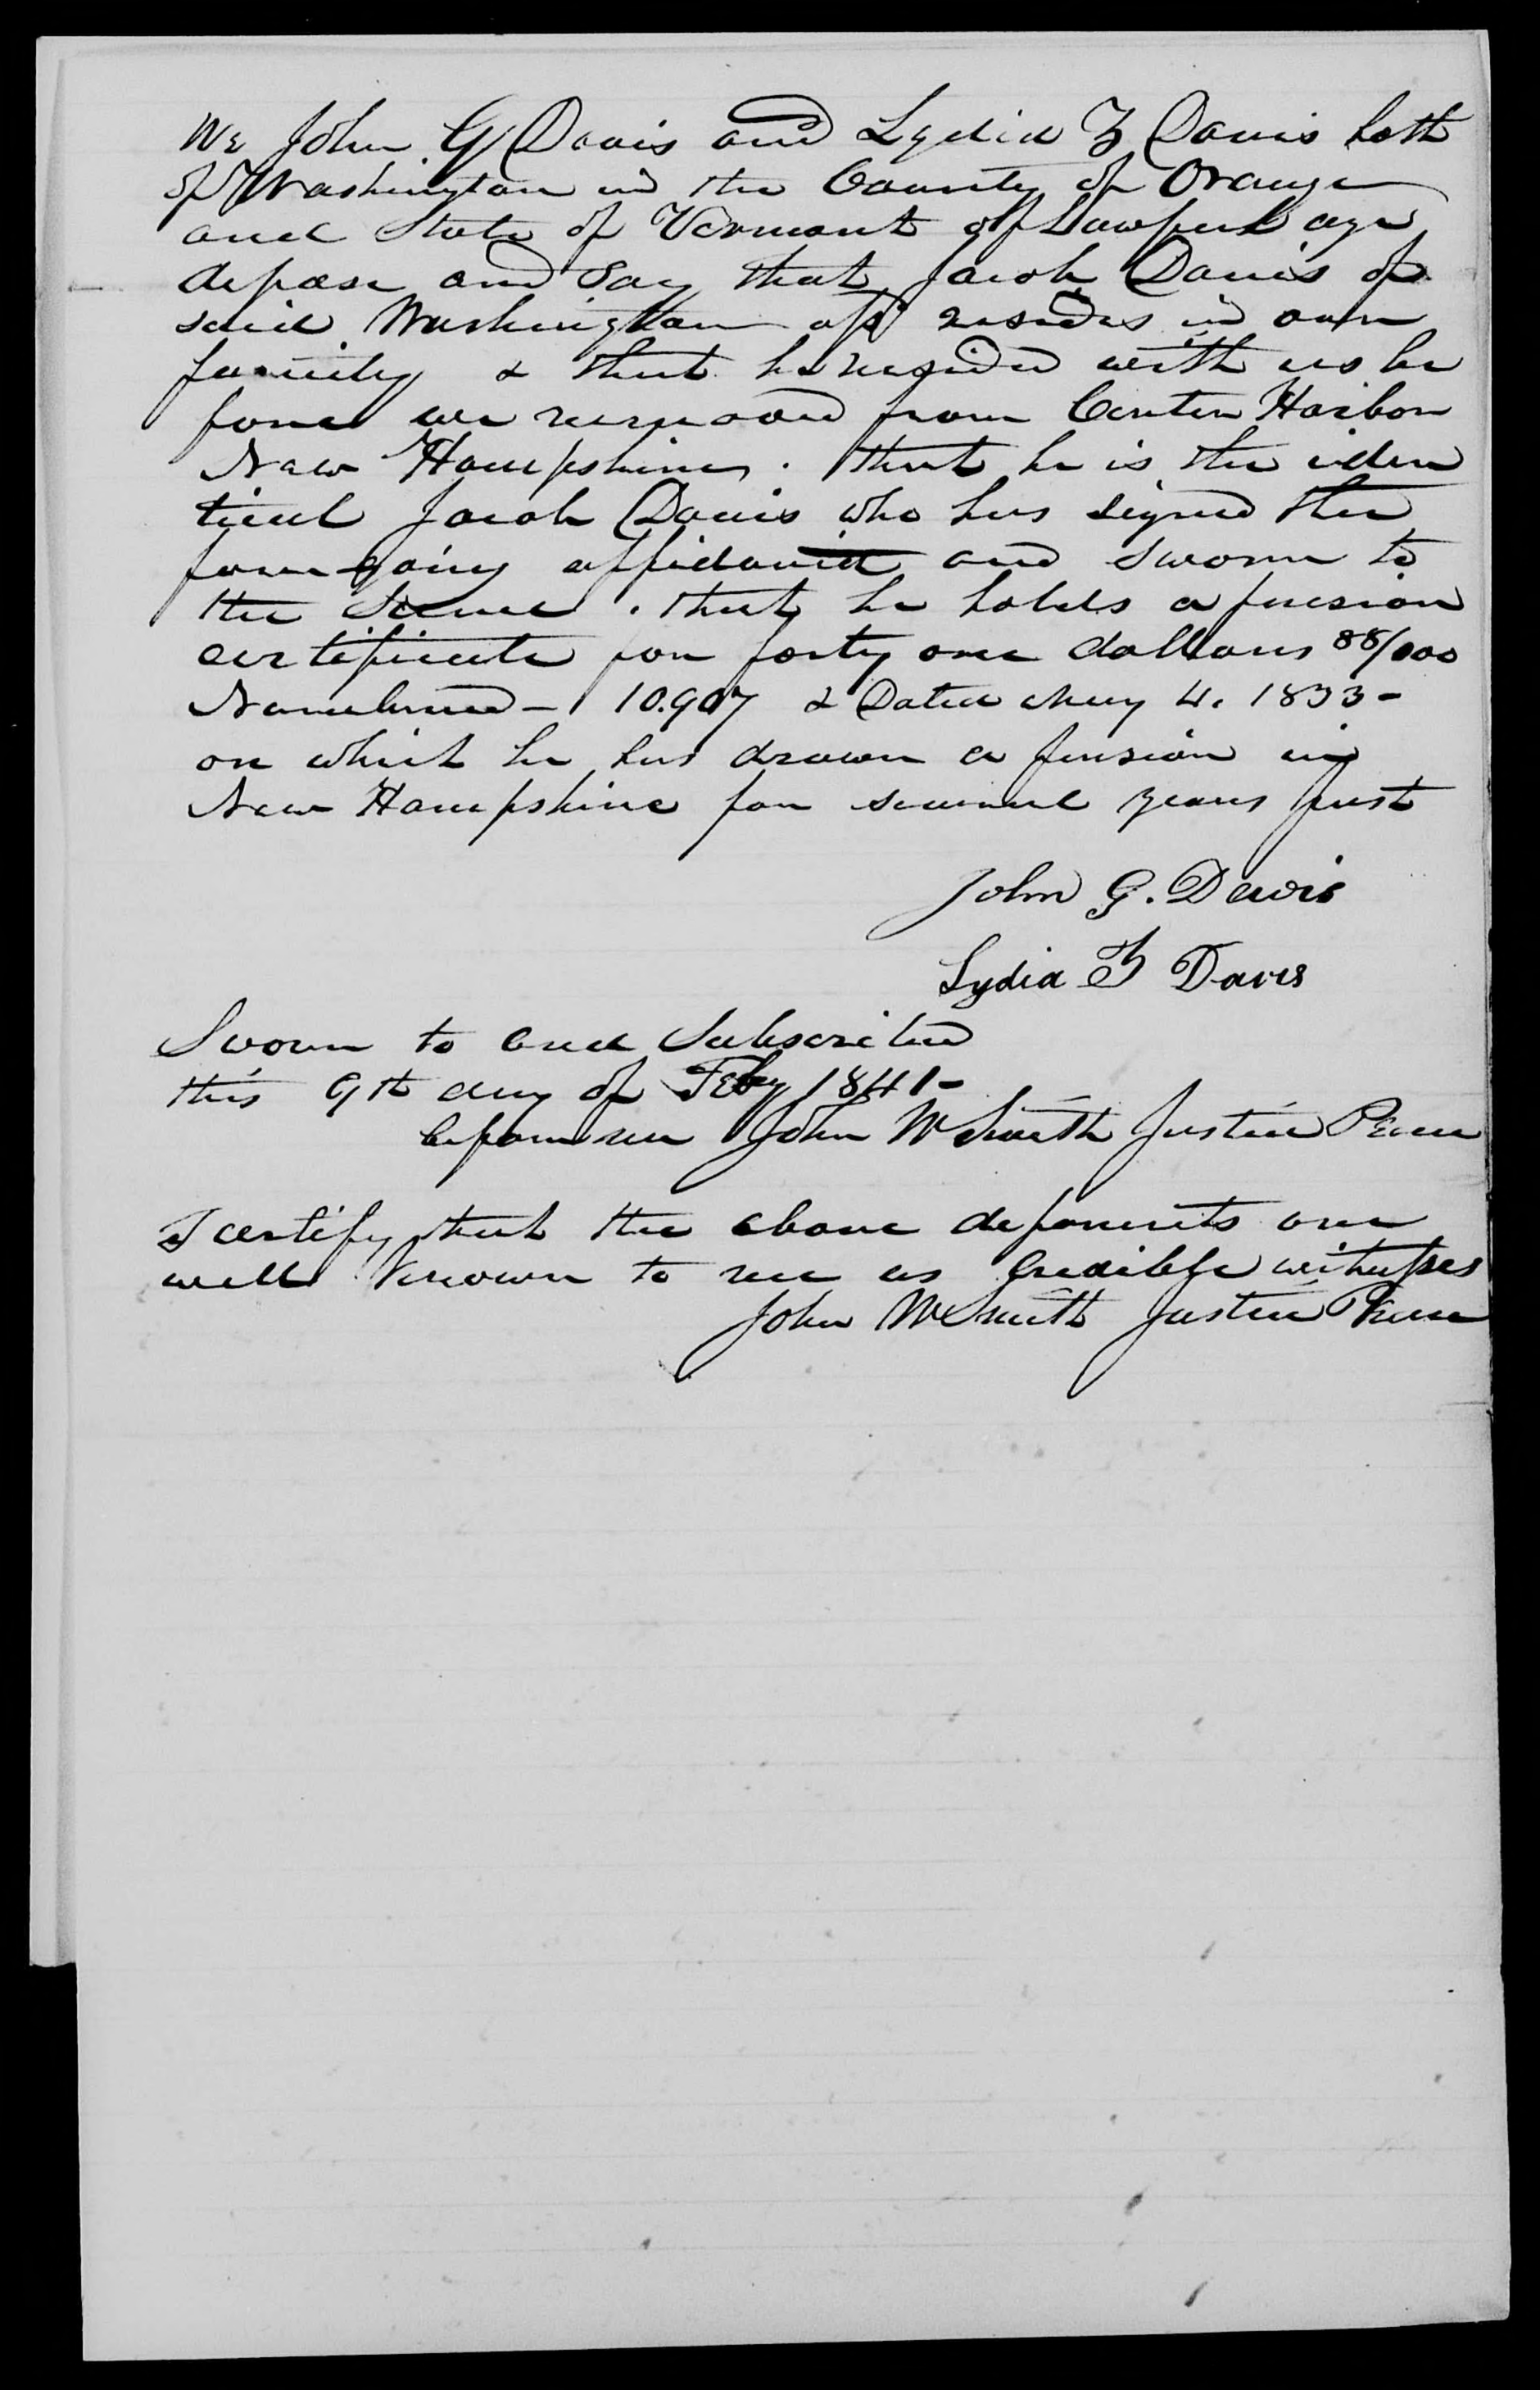We John G Davis and Lydia Z Davis both of Washington in the County of Orange and State of Vermont of Lawful age
depose and say that Jacob Davis of said Washington afsd [aforesaid] resides in our family and that he resided with us before we removed from Center Harbor New Hampshire. that he is the identical Jacob Davis who has signed the
foregoing affidavit and sworn to the Same. that he holds a pension certificate for forty one dollars 88/100
Numbered 10.907 and Dated May 4, 1833 - on which he had drawn a pension in New Hampshire for several years past
John G. Davis
Lydia Z Davis
Sworn to and Subscribed this 9th day of Feby 1841
before me John W Smith Justice Peace
I certify that the above deponents are well
known to me as credible witnesses
John W Smith Justice Peace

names: Jacob Davis, Lydia Z Davis, John W Smith, John G Davis, Lydia Z Davis, John W Smith, John G Davis, Jacob Davis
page: 19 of 47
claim: widow's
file: W. 24043, Jacob Davis, N.H.